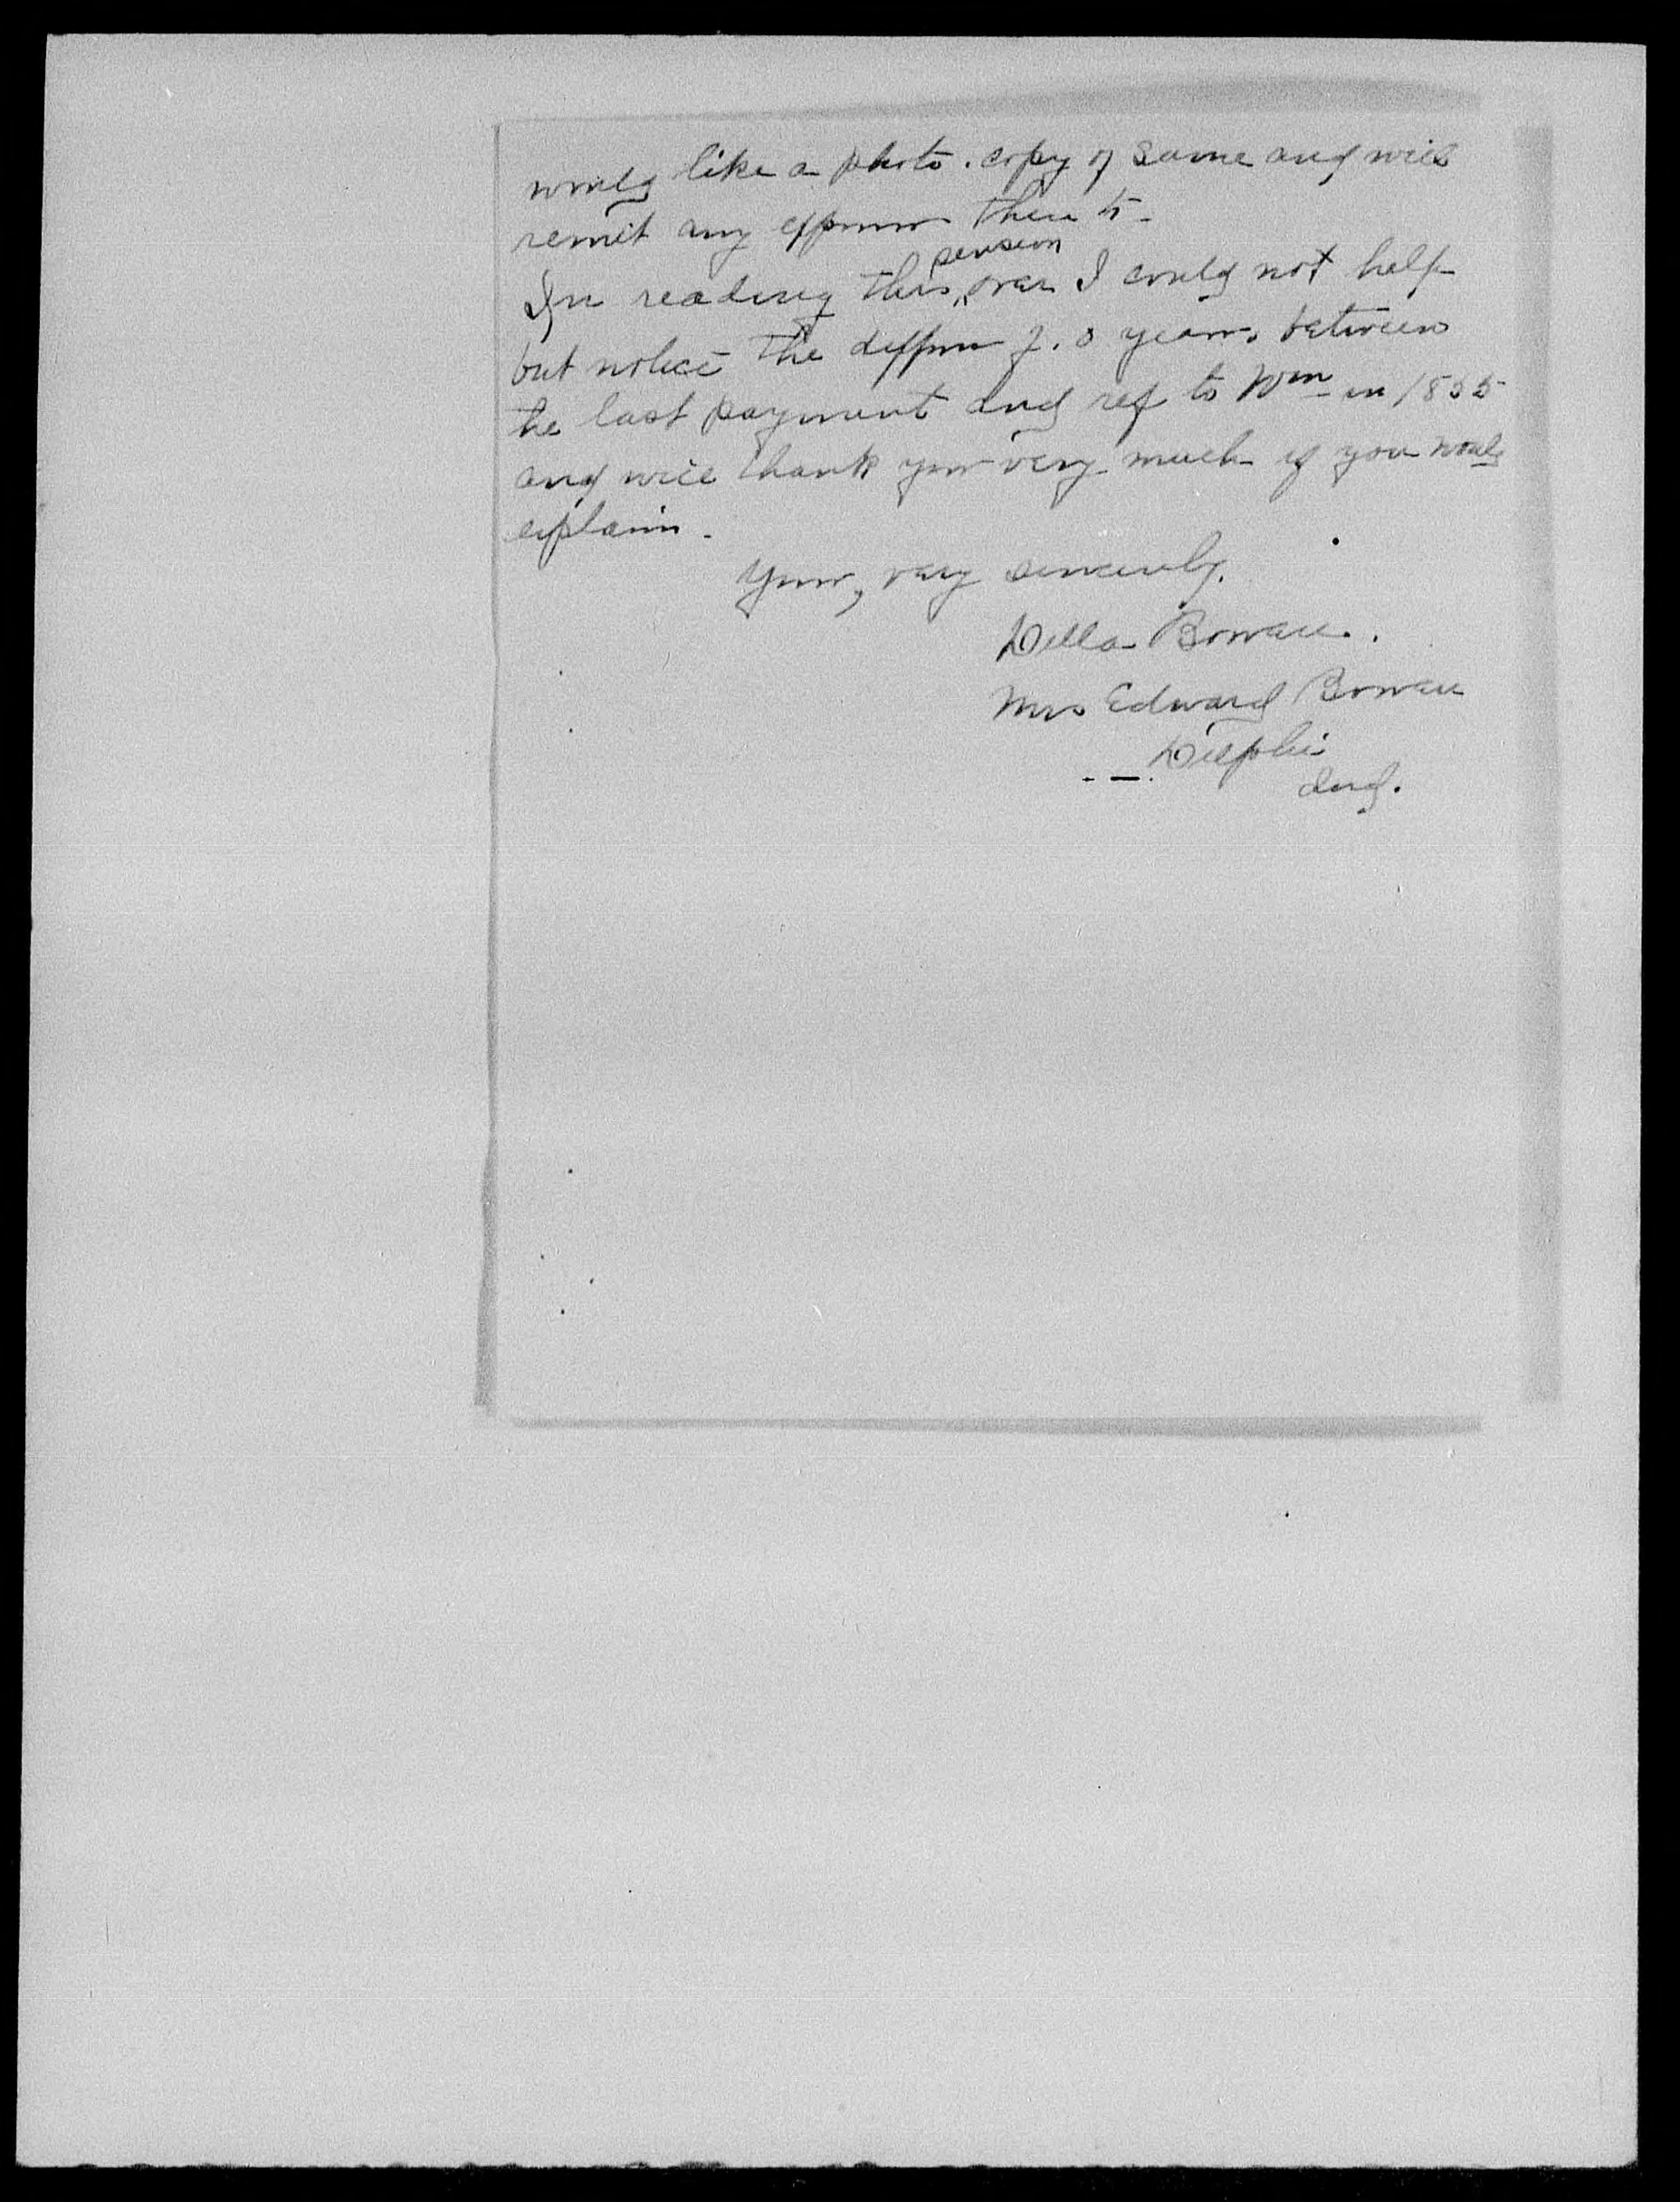would
like a photo copy of same and will
remit any expenses thereto.

In reading this pension over I could not help
but notice the difference of . 8 years between
the last payment and ref to Wm in 1855
and will thank you very much if you would
explain.
yours very sincerely
Della Bowen
Mrs Edward Bowen
Delphi
Ind.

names: Edward Bowan, Wm, Dillo Bowan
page: 24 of 37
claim: rejected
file: R. 2516, Moses Crosley, Md.